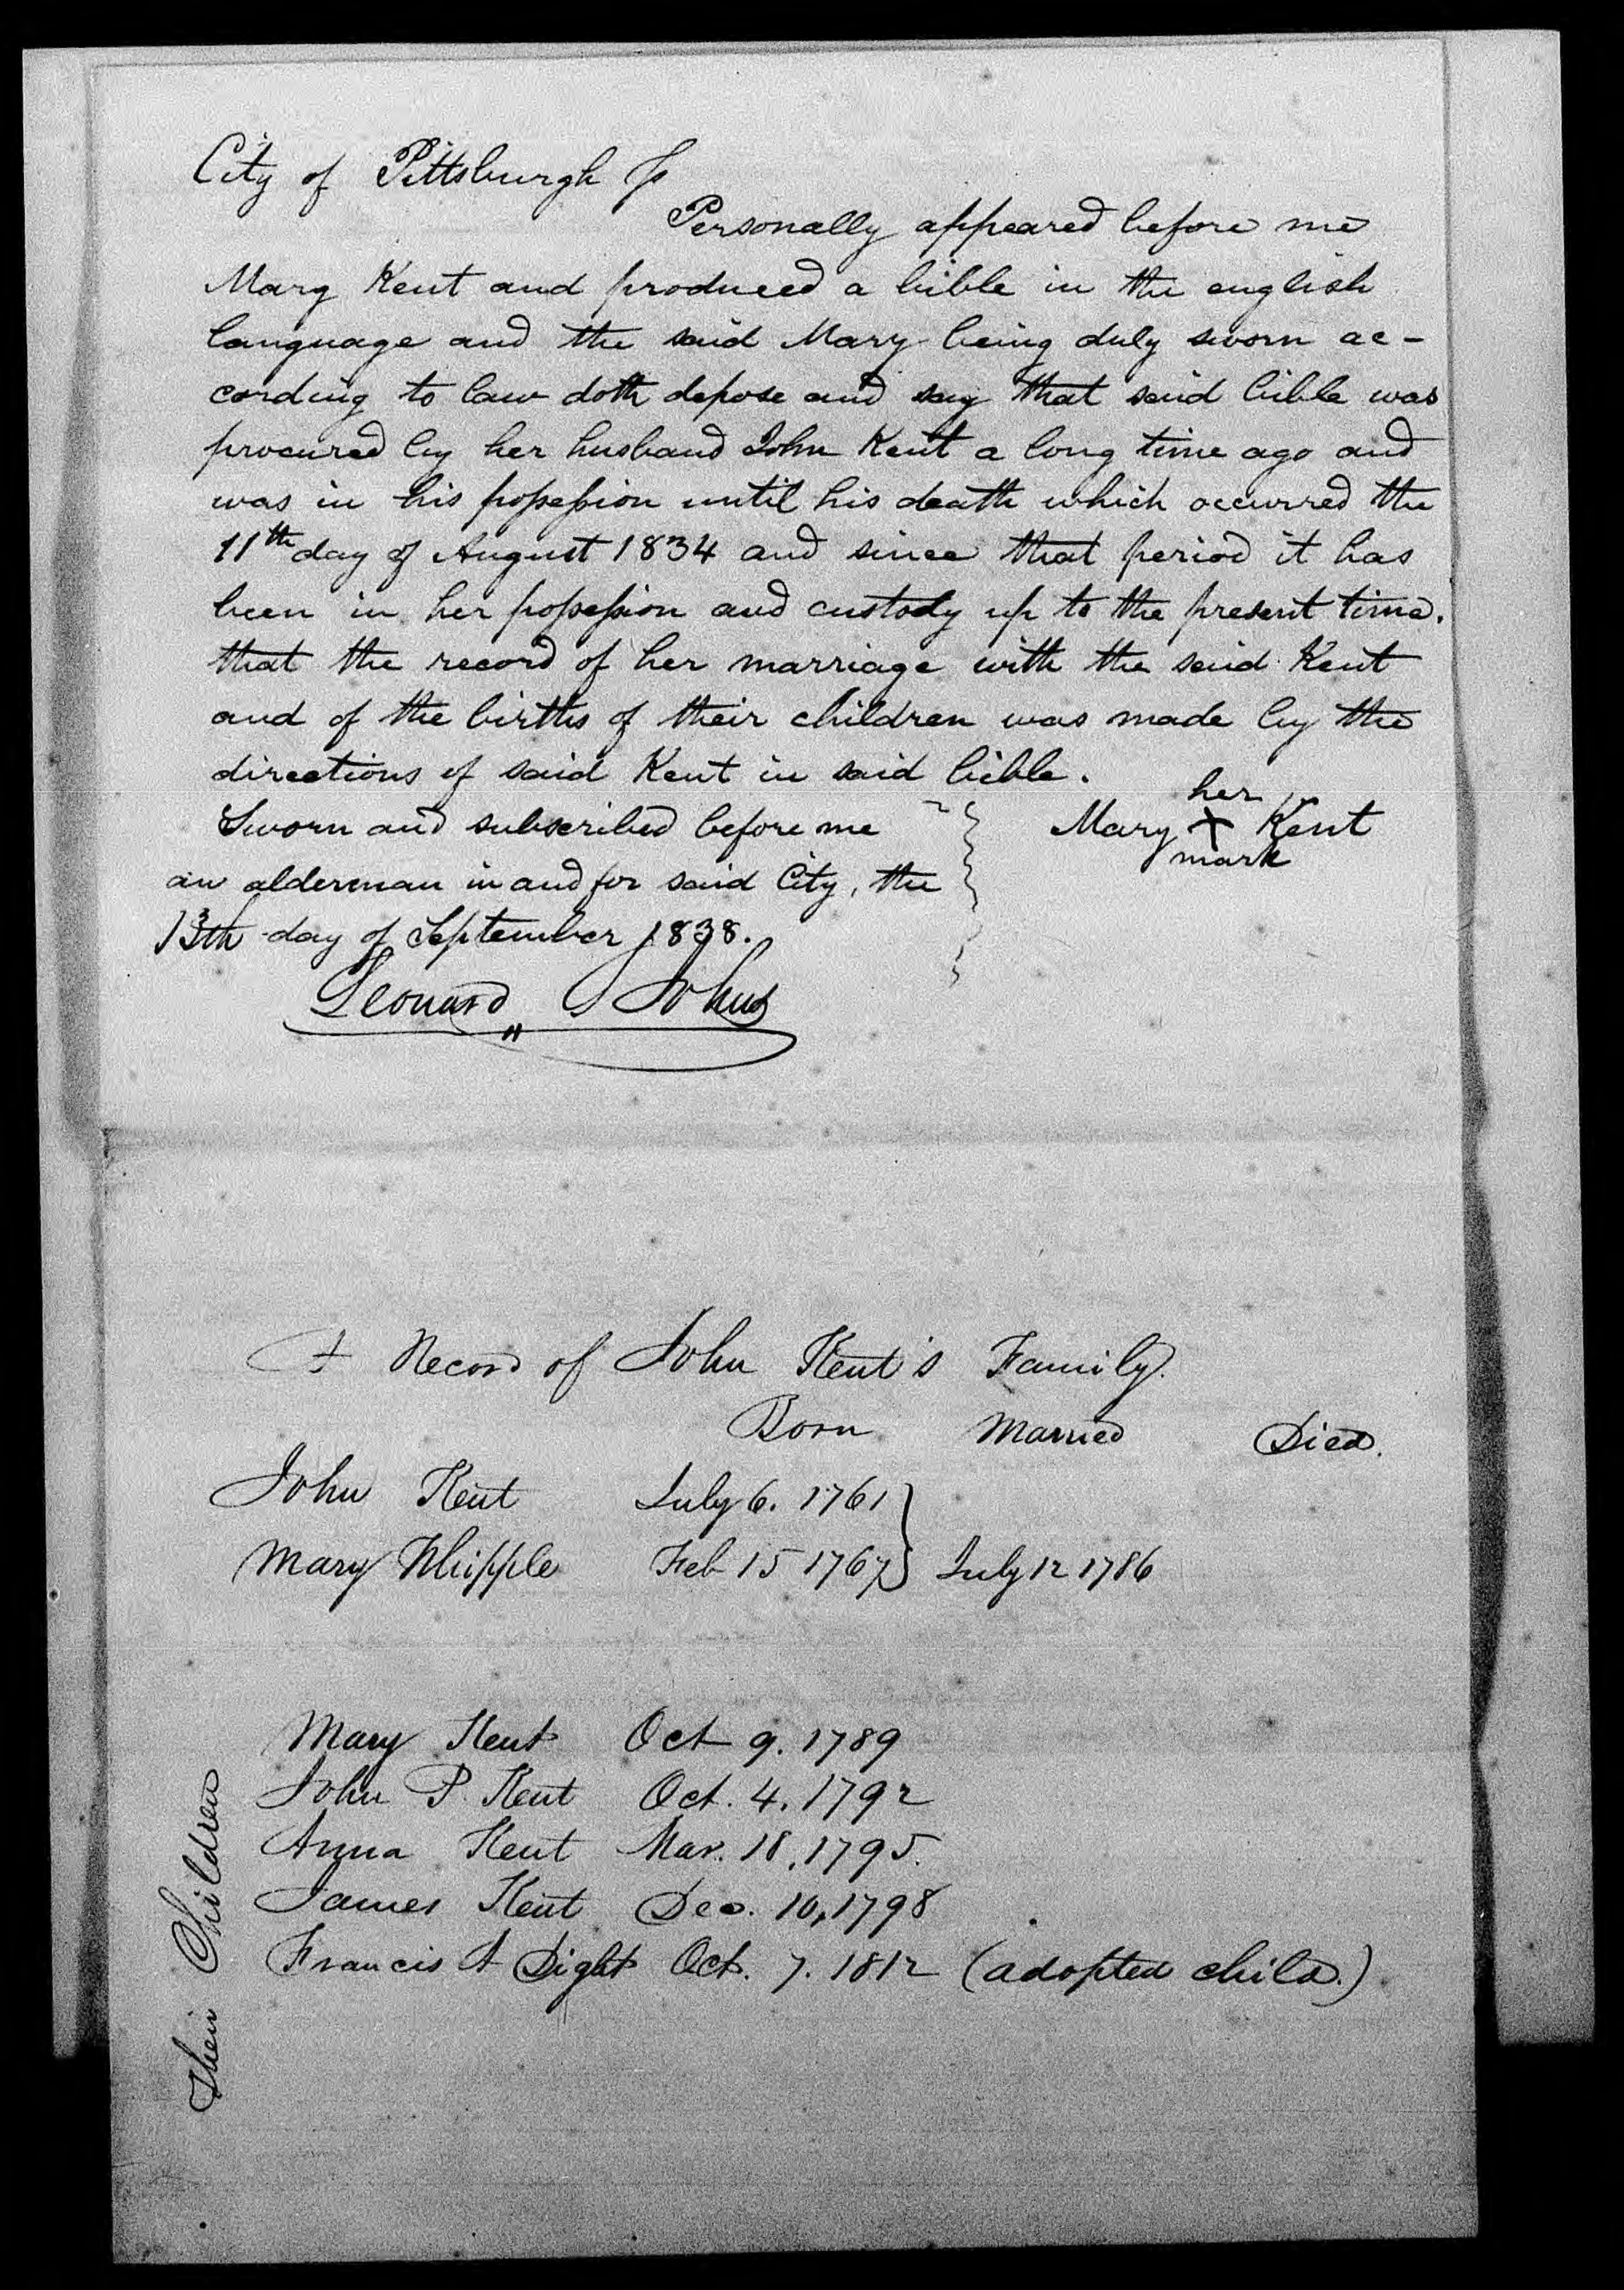City of Pittsburgh fs
Personally appeared before me Mary Kent and produced a bible in the english language and the said Mary being duly sworn according to law doth depose and say that said bible was procured by her husband John Kent a long time ago and was in his pofsefsion until his death which occurred the 11th day of August 1834 and since that period it has been in her pofsefsion and custody up to the present time. that the record of her marriage with the said Kent and of the births of their children was made by the directions of said Kent in said bible.
Mary Kent (her x mark)

Sworn and subscribed before me an alderman in and for said City, the 13th day of September 1838.
Leonard S Johns

A Record of John Kent's Family
Born Married Died

John Kent July 6. 1761}
Mary Whipple Feb 15 1767} July 12 1786

Their Children
Mary Kent Oct 9.1789
John P. Kent Oct 4. 1792
Ayna Kent Mar. 18. 1795
James Kent Dec. 10. 1798
Francis A Dight Oct. 7. 1812 (adopted child)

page: 41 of 50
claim: widow's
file: W. 4253, for John Kent, Vermont